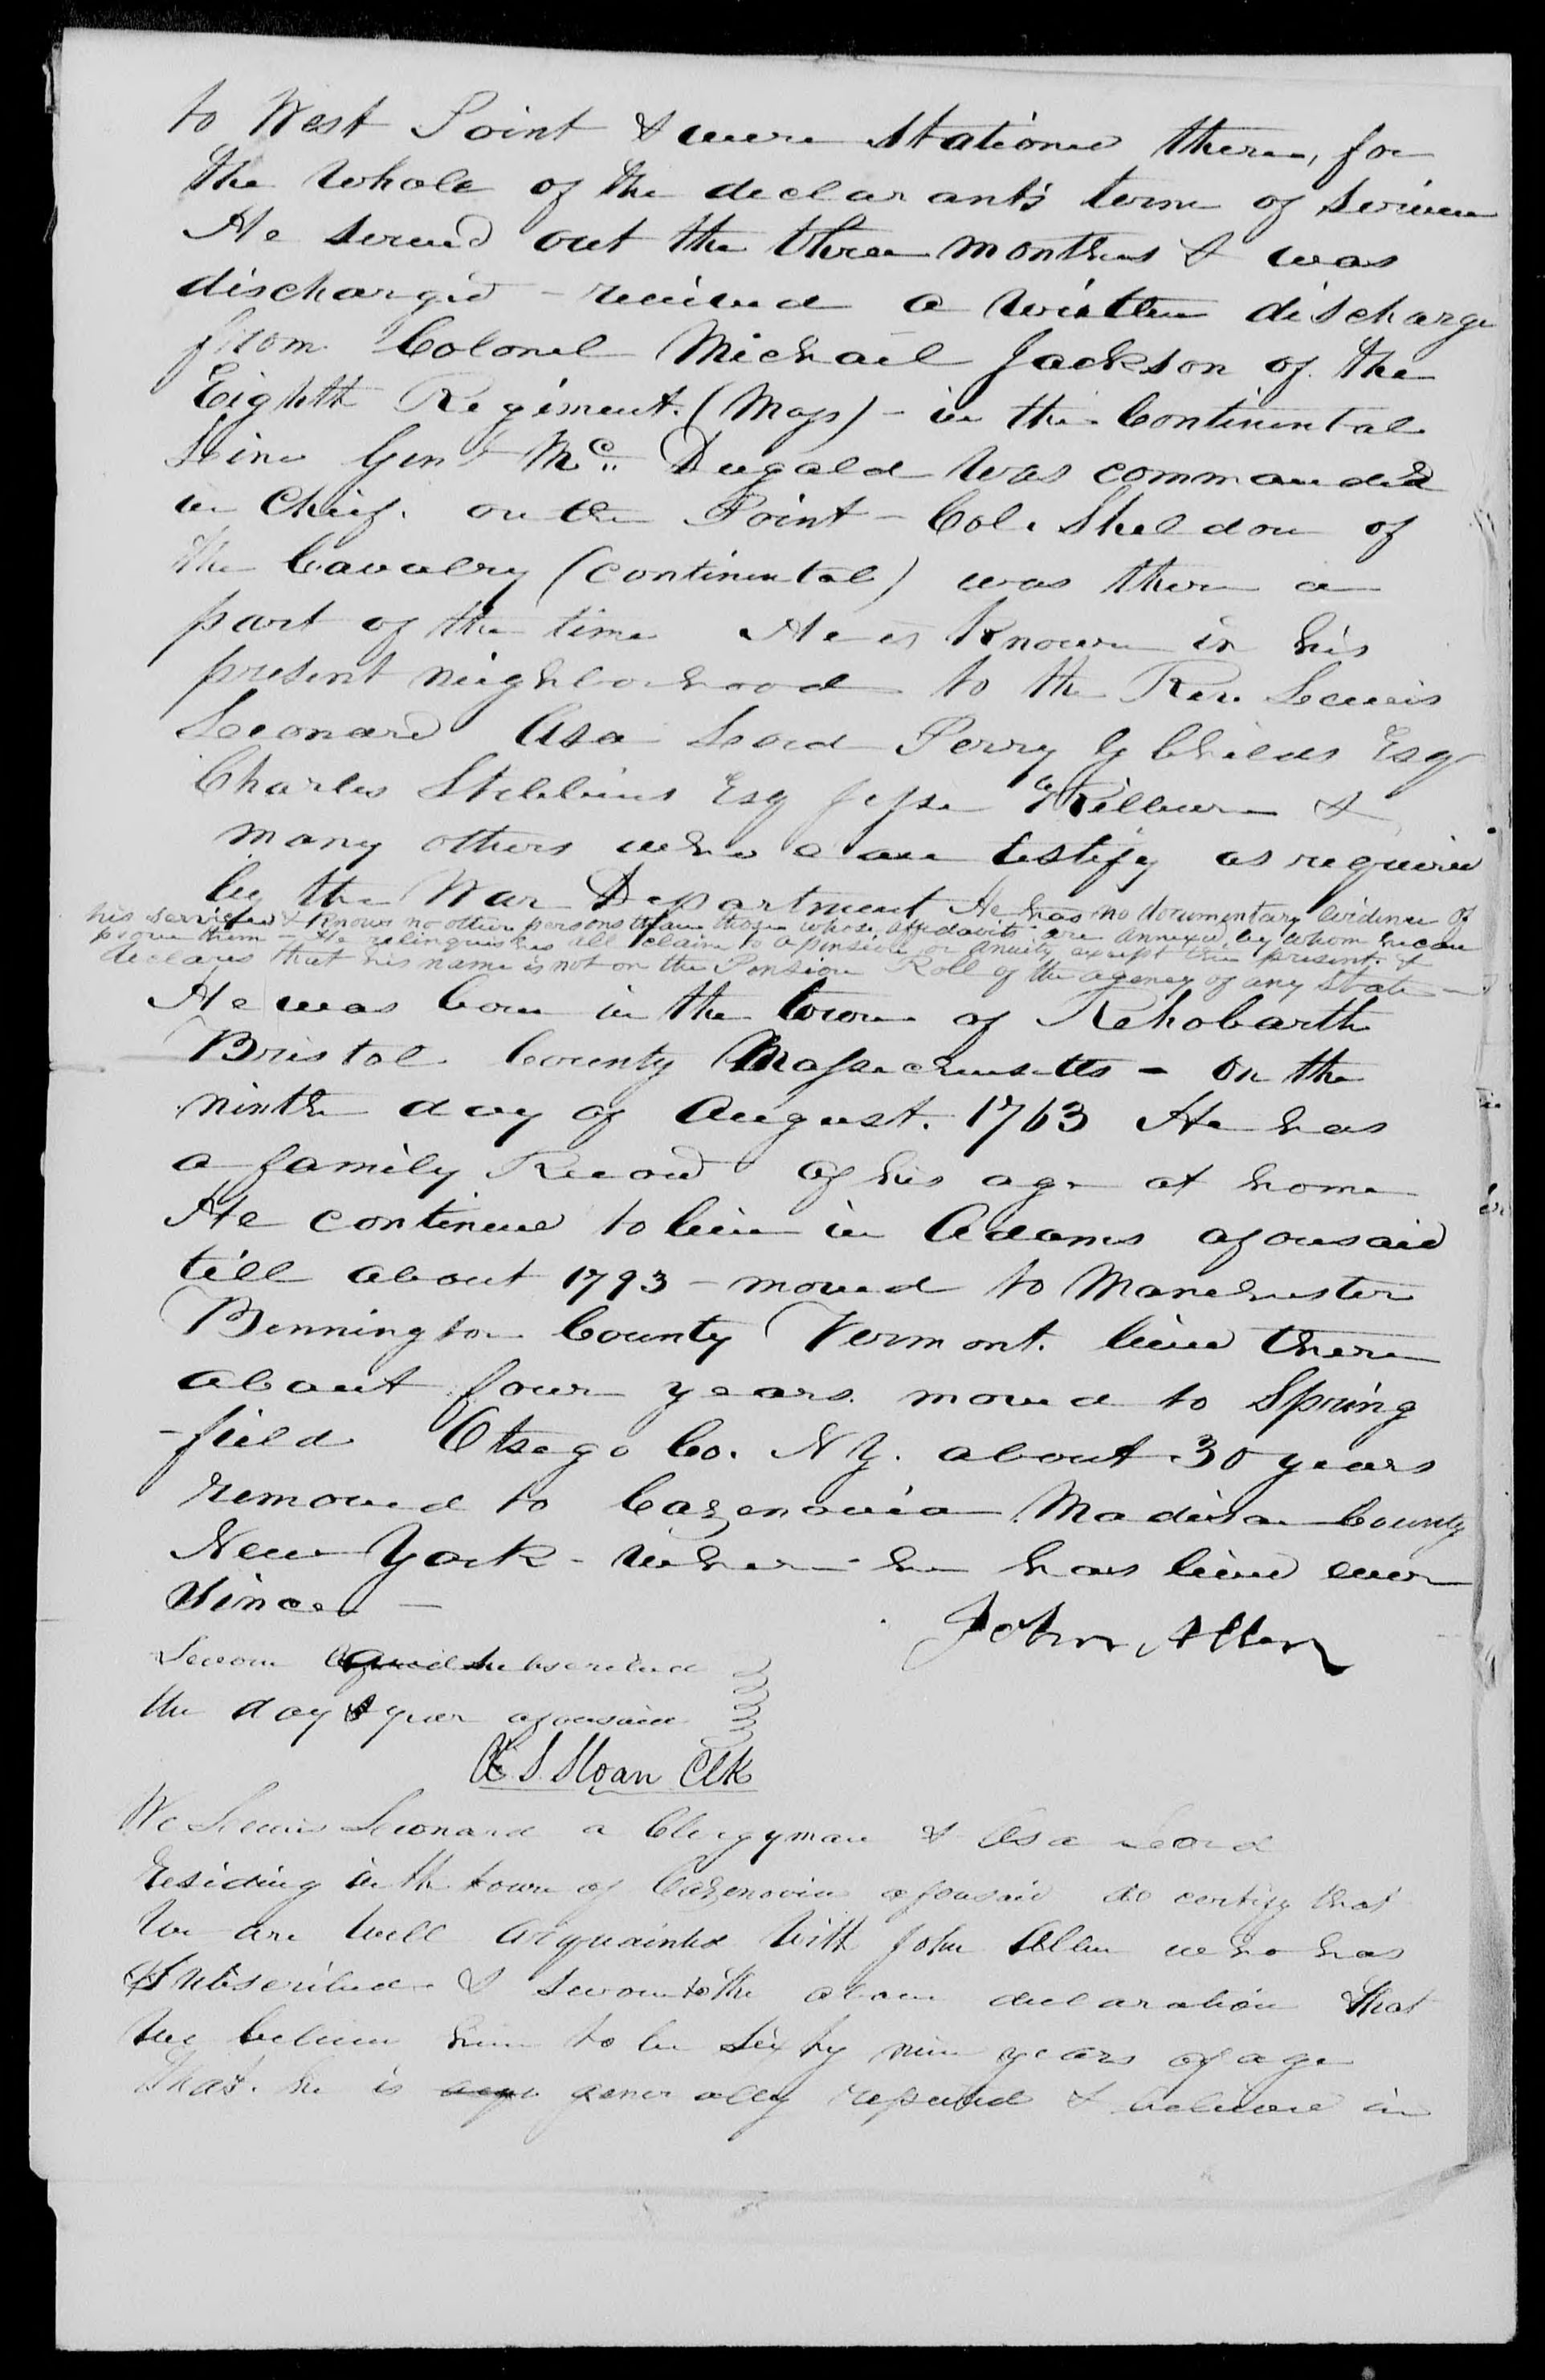to West Point & were stationed there, for the whole of the declarants term of service He served out the three months & was discharged  - received a written discharge from Colonel Michael Jackson of the Eighth Regiment (Mass) -  in the Continental Line Genl McDugald was commander in chief on the point - Col. Sheldon of the Cavalry (continental) was there a part of the time He is known in his present neighborhood to the Rev Lewis Leonard Asa Lord Perry G Childs Esq Charles Stebbins Esq Jesse Wilbur & many others who can testify as required by the War Department He has no documentary evidence of service & knows no other persons than those whose affidavits are annexed, by whom he can he procure them – He relinquish has all claim to a pension or annuity as of this present. & declares that his name is not on the pension roll of the agency of any state - 
He was born in the town of Rehobarth [Rehoboth] Bristol County Massachusetts - on the ninth day of August 1763 He has a family Record of his age at home He continues to live in Adams aforesaid till about 1793 - moved to Manchester Bennington County Vermont. lives there about four years. moved to Springfield Otsego Co. NY. about 30 years removed to Cazenovia Madison County New York -  where he has lived ever since – John Allen [signature] 
Sworn and Subscribed the day & year aforesaid |
A. S. Sloan Clk 
Mr Lewis Leonard a Clergyman & Asa Lord residing in the town of Cazenovia aforesaid do certify that we are well acquainted with John Allen who has Subscribed & sworn to the above declaration That we believe him to be sixty nine years of age that he is [illegible crossed out word] generally reputed & believe in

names: Lewis Leonard, Sheldon, Asa Lord, Jesse Kilburn, John Allen, John Allen, Lewis Leonard, Charles Stebbins, Asa Lord, Michael Jackson, Perry G Childs, A S Sloan, Mc Dugald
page: 8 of 74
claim: widow's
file: W. 23424, John Allen, Mass. R. I.